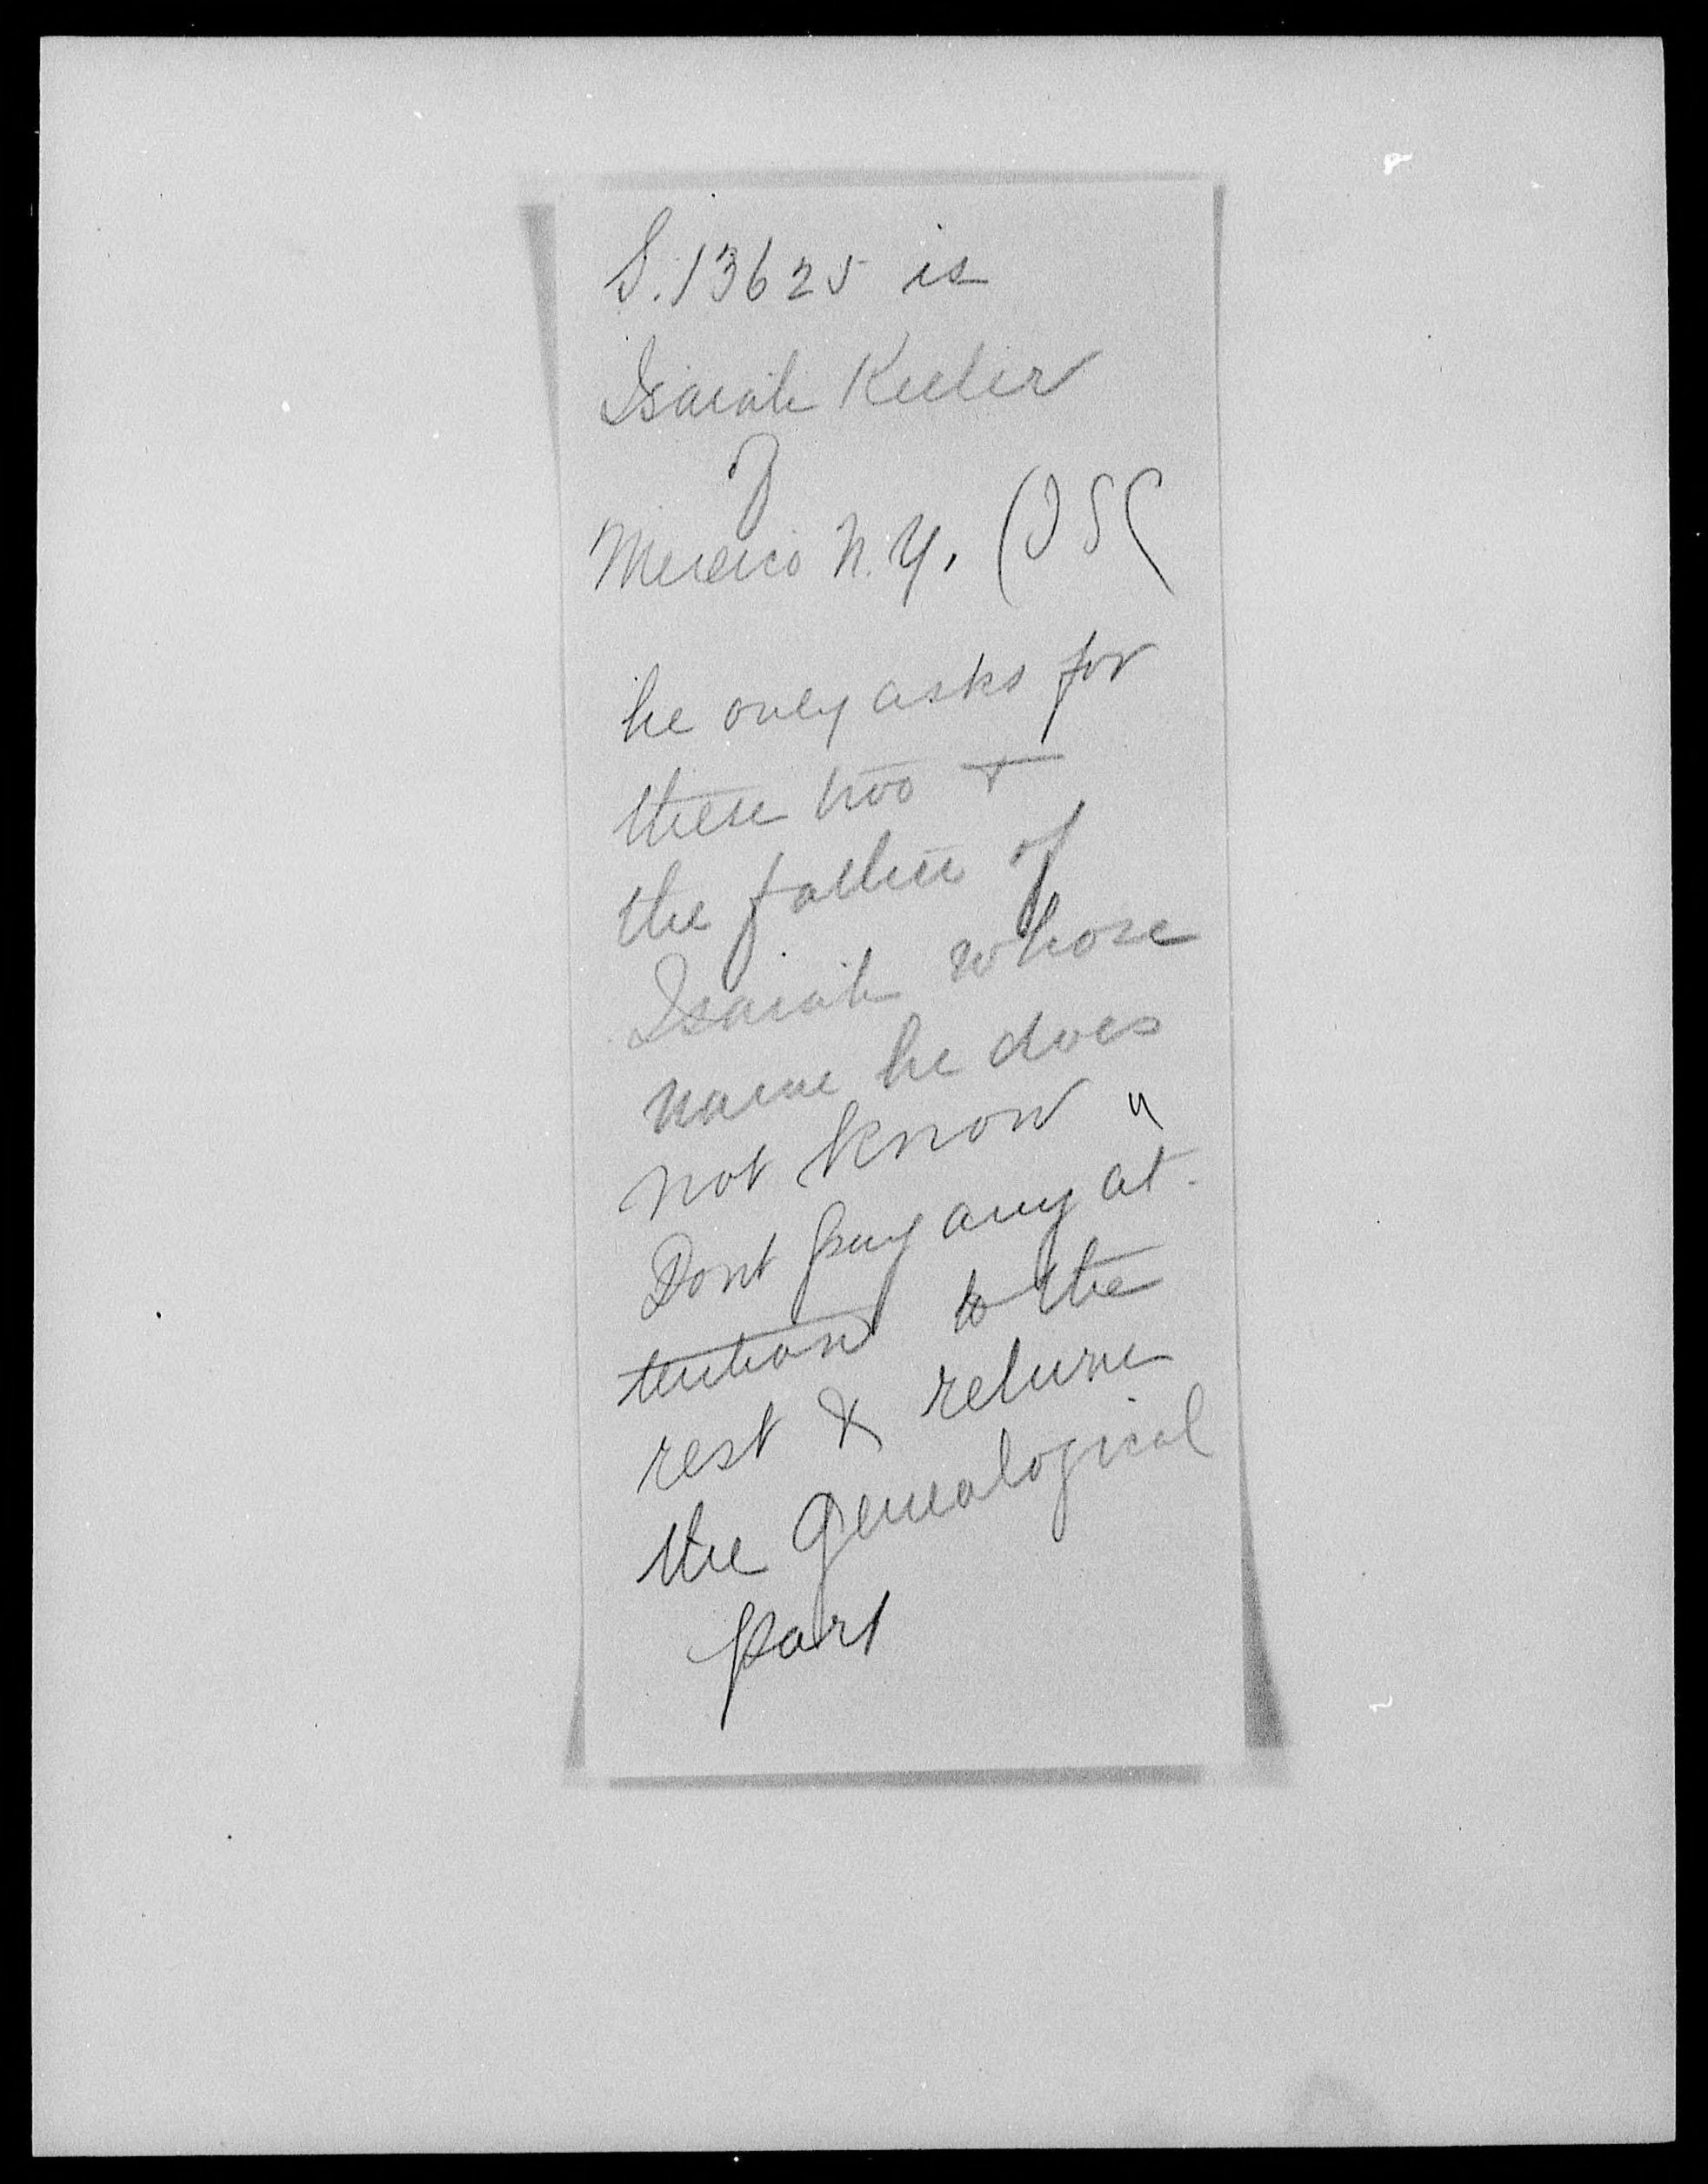S. 13625 is
Isaiah Keeler
of
Mexico N.Y. USA
he only asks for
these two &
the father of
Isaiah whose
name he does
not know
Dont pay any 
attention to the 
rest & return
the genealogical
part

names: Isaiah Keeler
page: 25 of 26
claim: survivor's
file: S. 13,625, for Isaiah Keeler, New York